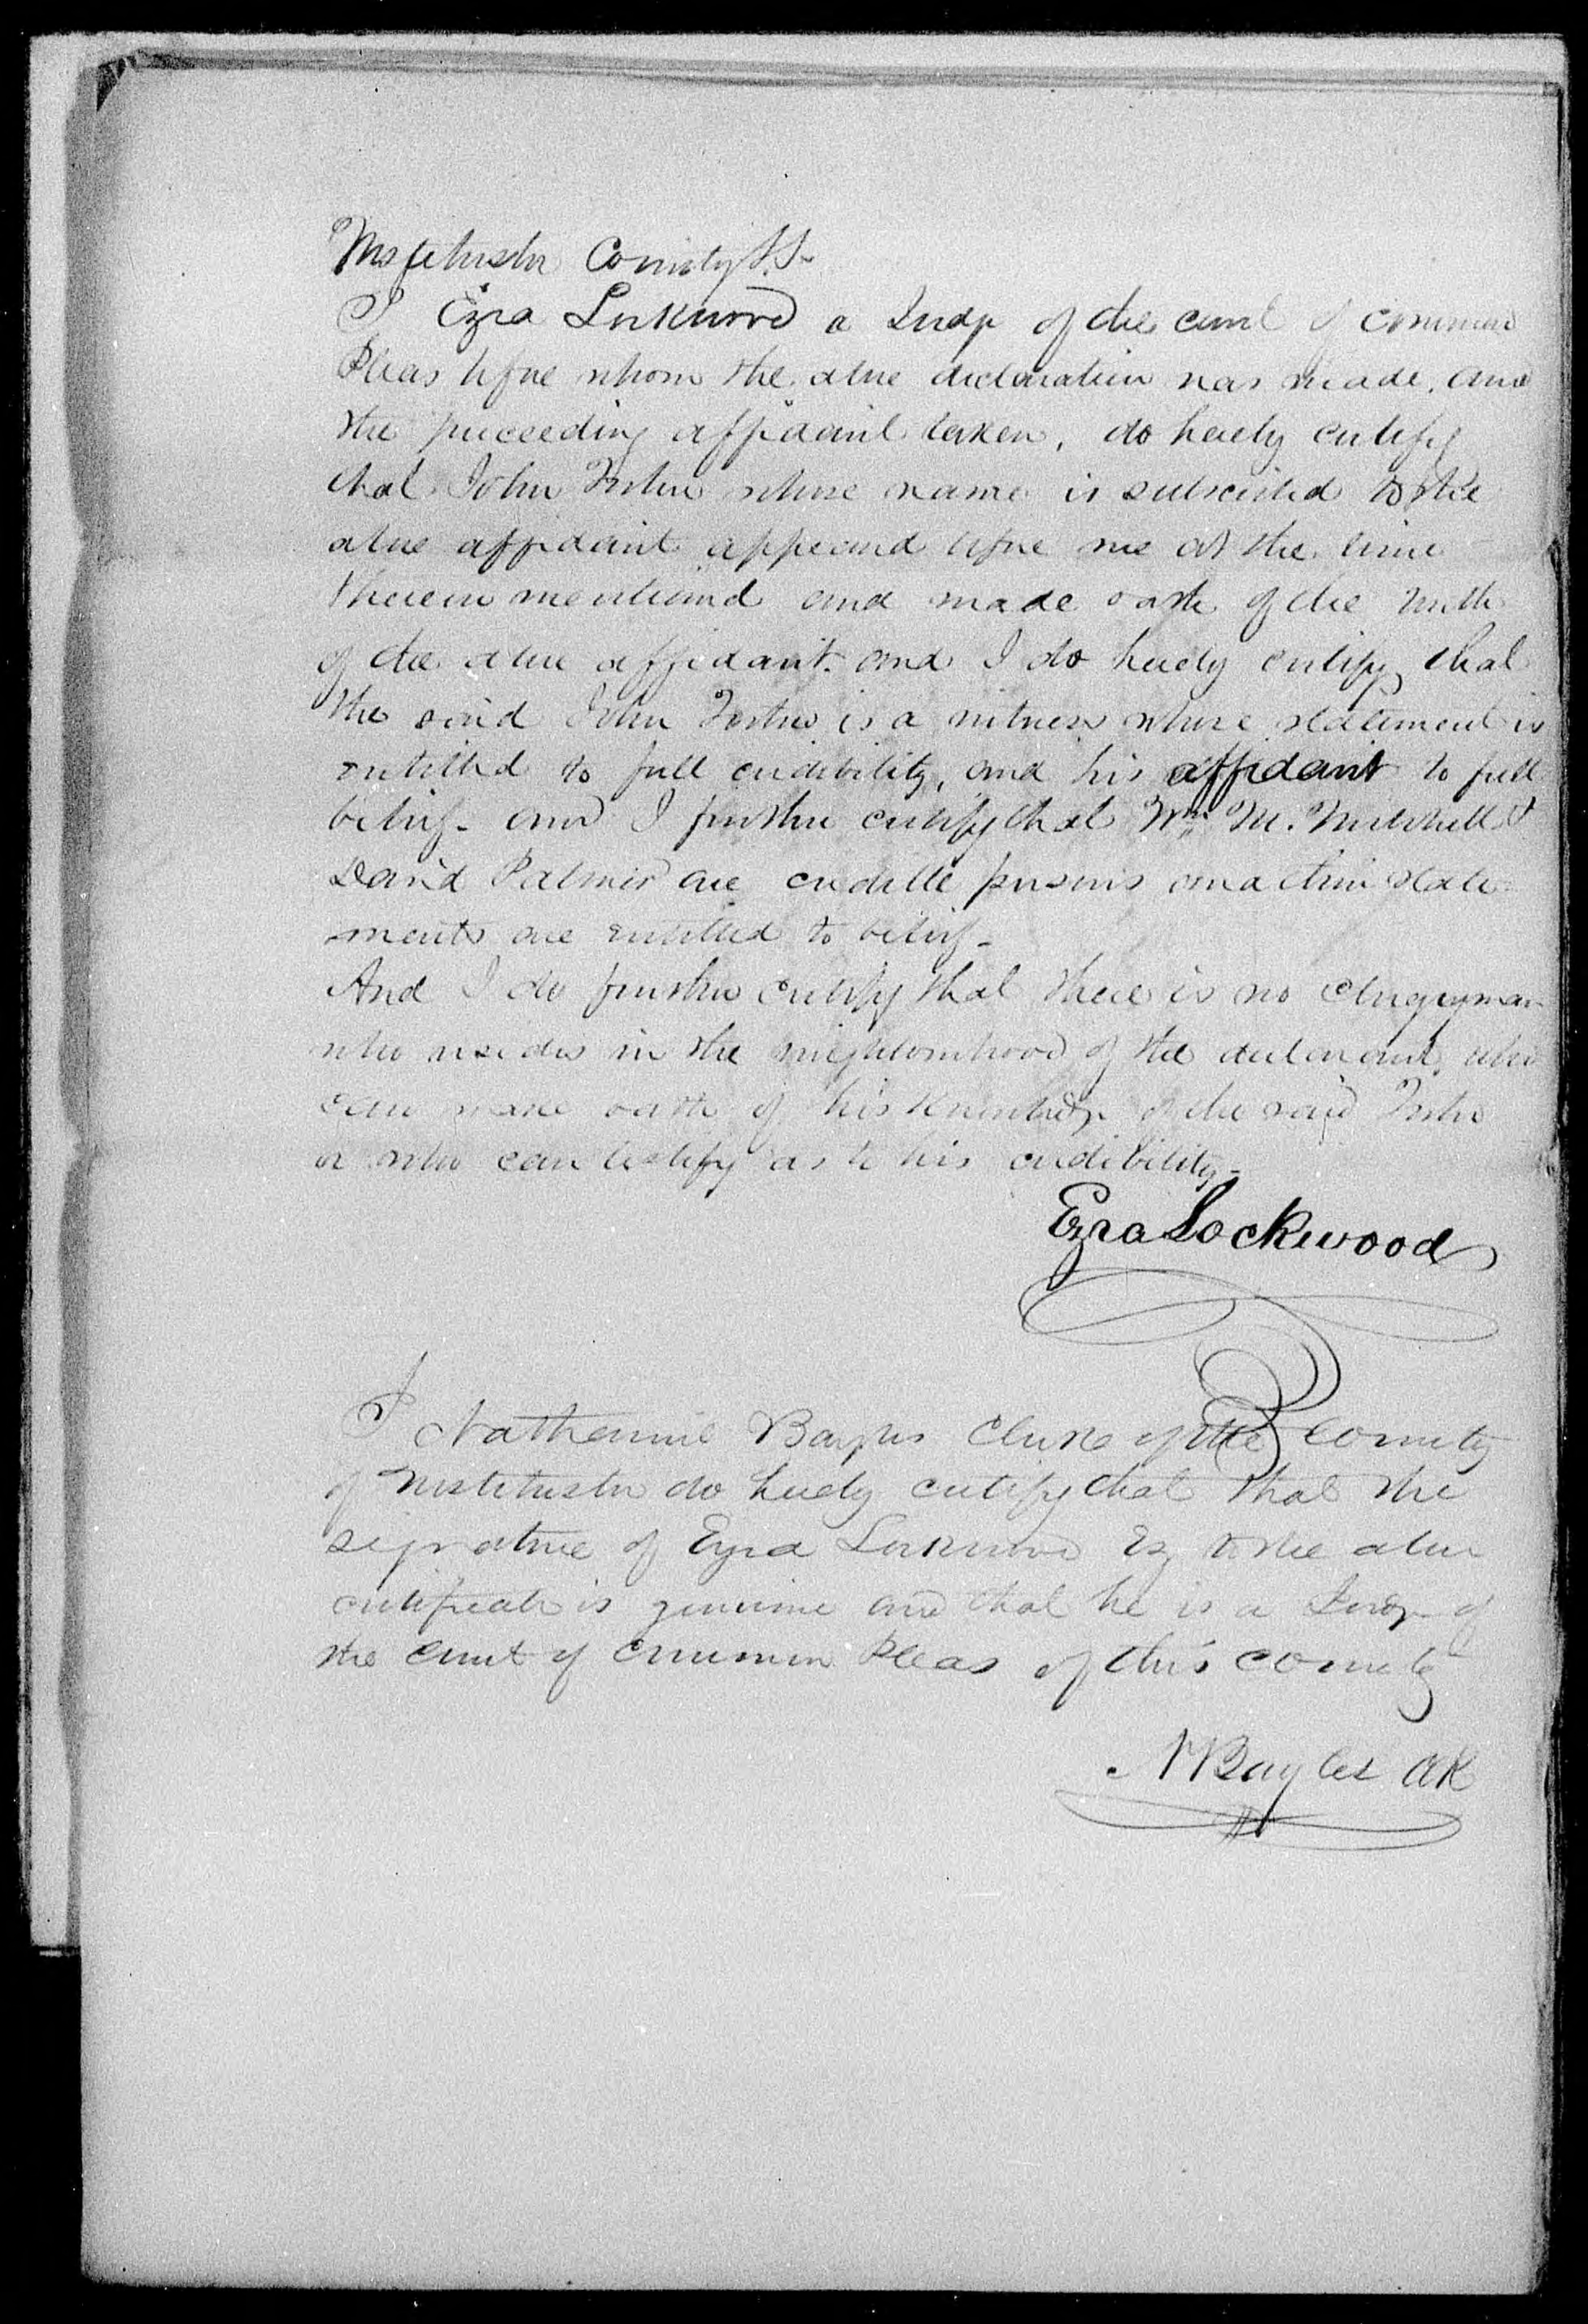West Chester County SS

I Ezra Lockwood a Judge of the court of Common Pleas before whom the above declaration was made, and the proceeding affidavit taken, do hereby certify that John Foster whose name is subscribed to the above affidavit appeared before me at the time therein mentioned and made oath of the truth of the above affidavit and I do hereby certify that the said John Foster is a witness whose statements are entitled to full credibility, and his affidavit to full belief. And I further certify that Wm. M. Mitchell & David Palmer are credible persons and their statements are entitled to belief-
And I do further certify that there is no clergyman who resides in the neighborhood of the declarant who can make oath of his knowledge & of the said Foster or who can testify as to his credibility.
Ezra Lockwood

I Nathaniel Bayles clerk of the county of Westchester do hereby certify that that the signature of Ezra Lockwood Esq on the above certificate is genuine and that he is a Judge of the Court of Common Pleas of this county.
N Bayles Clk.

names: Wm M Mitchell, Nathaniel Bayles, David Palmer, Ezra Lockwood, N Bayles, Ezra Lockwood, John Fisher, Ezra Lockwood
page: 16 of 57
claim: widow's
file: W. 5275 1/2, Michael Foster, Penn.